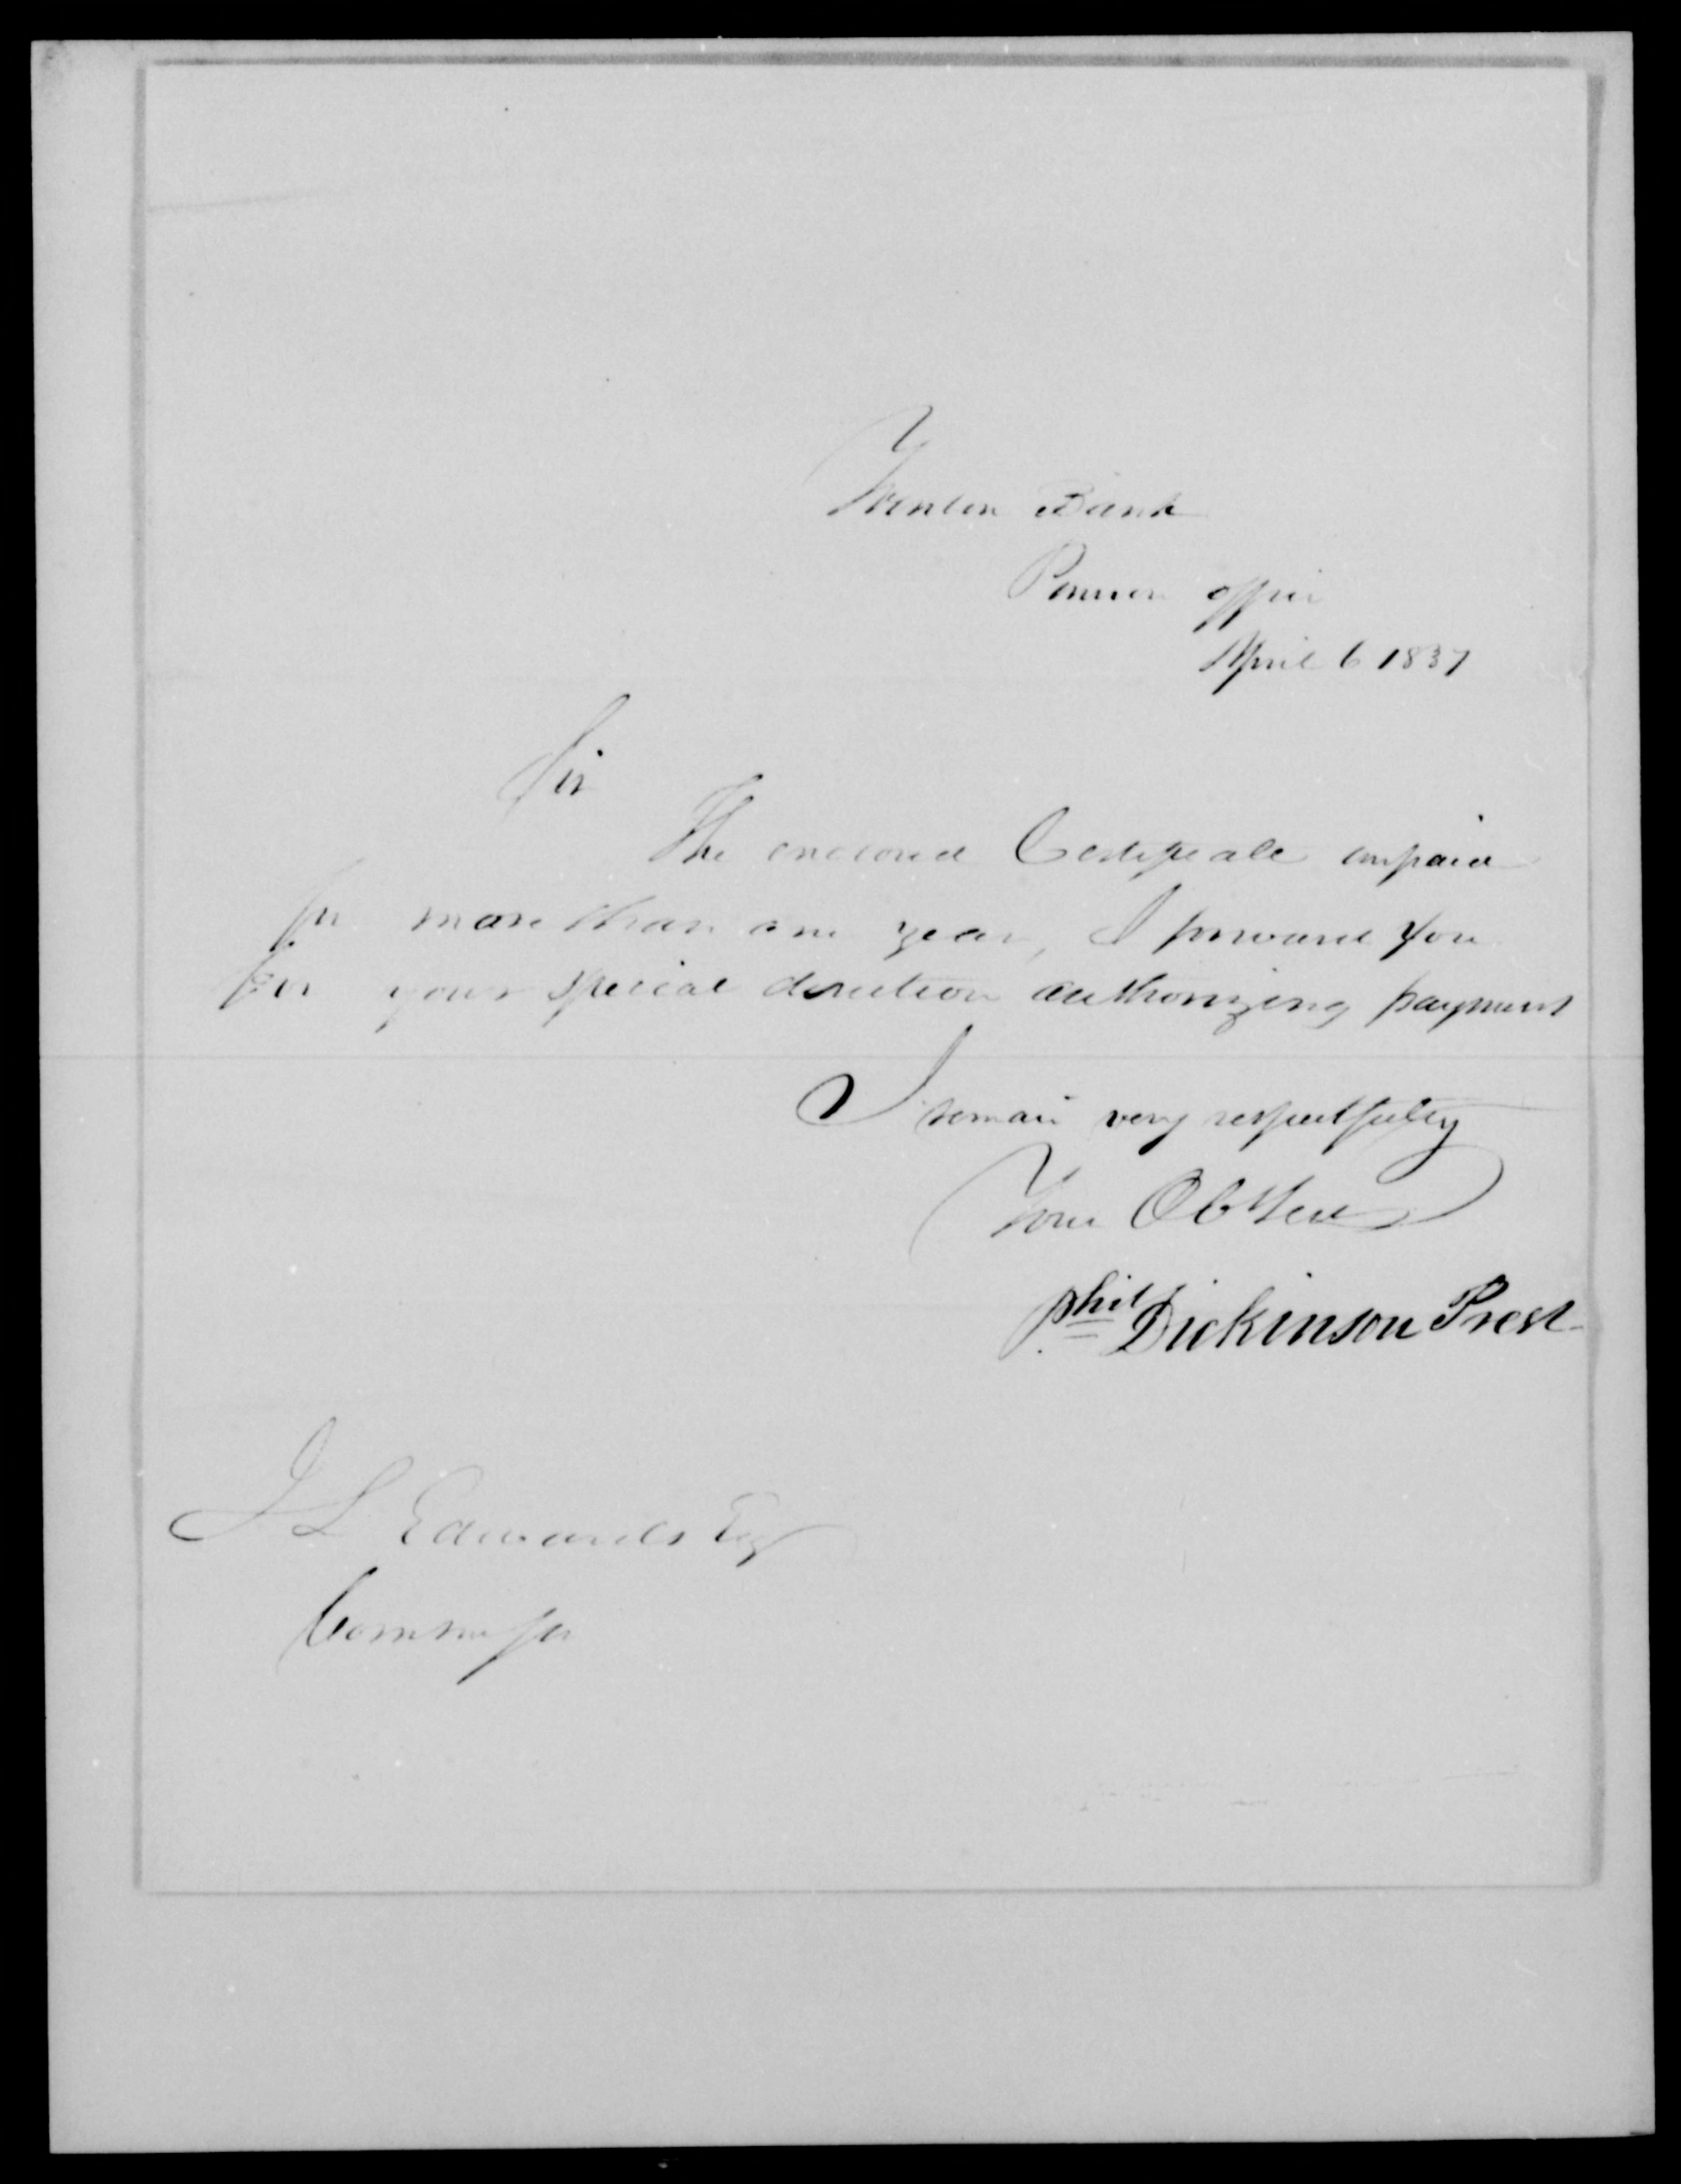Trenton Bank
Pension office
April 6 1837
Sir
The enclosed certificate unpaid
for more than one year, I forward you
for your special direction authorizing payment
I remain very respectfully
Your Obt Serv
Phil Dickinson Pret
L Edwards Esqr
Commissioner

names: Phil Dickinson; J L Edwards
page: 27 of 27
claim: survivor's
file: S. 915, for William Smith, New Jersey